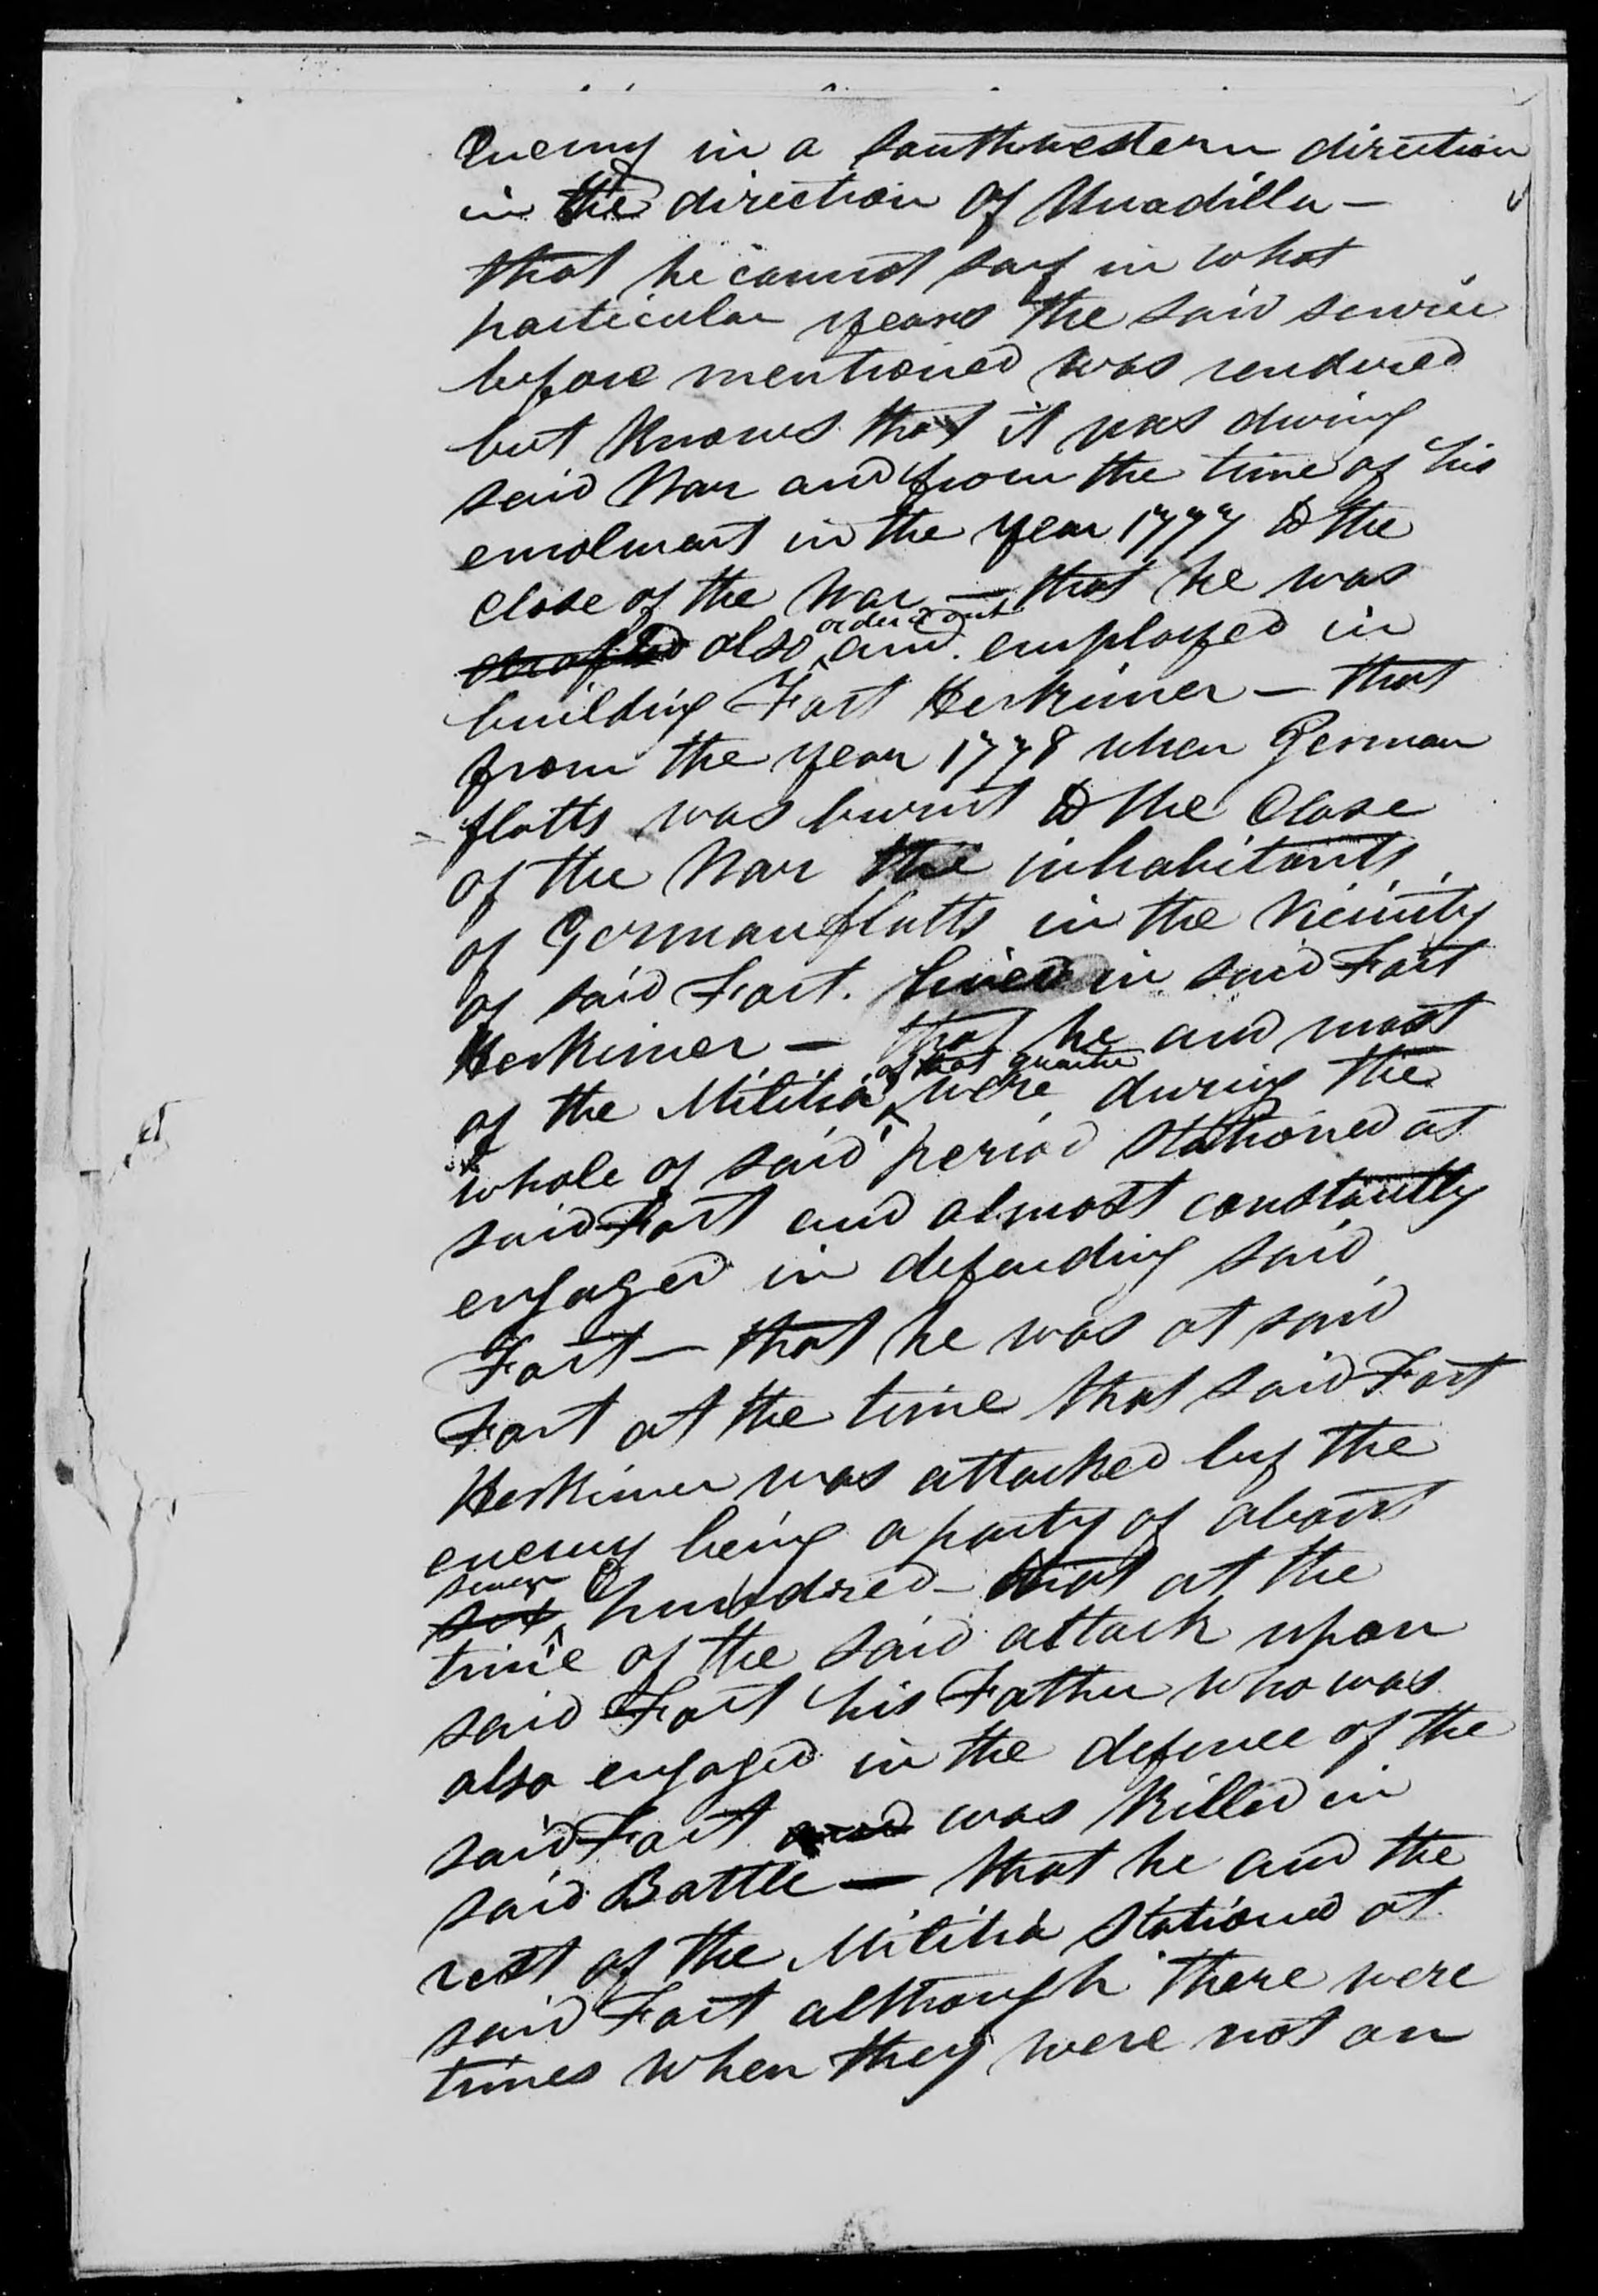[handwritten]

[?] in a southwestern direction in the direction of Unadilla - that he cannot say in what particular years the said service before mentioned was rendered but knows that it was during said war and from the time of his enrolment [sic] in the year 1777 to the close of the war - that he was [drafted crossed out] also ^[insert] ordered out and employed in building Fort Herkimer - that from the year 1778 when Germanflatts was burnt to the close of the war the inhabitants of Germanflatts in the vicinity of said Fort lived in said Fort Herkimer - that he and most of the militia ^[insert] of that quarter were during the whole of said period stationed at said Fort and almost constantly engaged in defending said Fort - that he was at said Fort at the time that said Fort Herkimer was attacked by the enemy being a party of about [six crossed out] seven hundred - that at the time of the said attack upon said Fort his Father who was also engaged in the defence [sic] of the said Fort [illegible] was killed in said Battle - that he and the rest of the militia stationed at said Fort although there were times when they were not on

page: 6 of 30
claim: rejected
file: R. 4927, Conrad Hess, New York